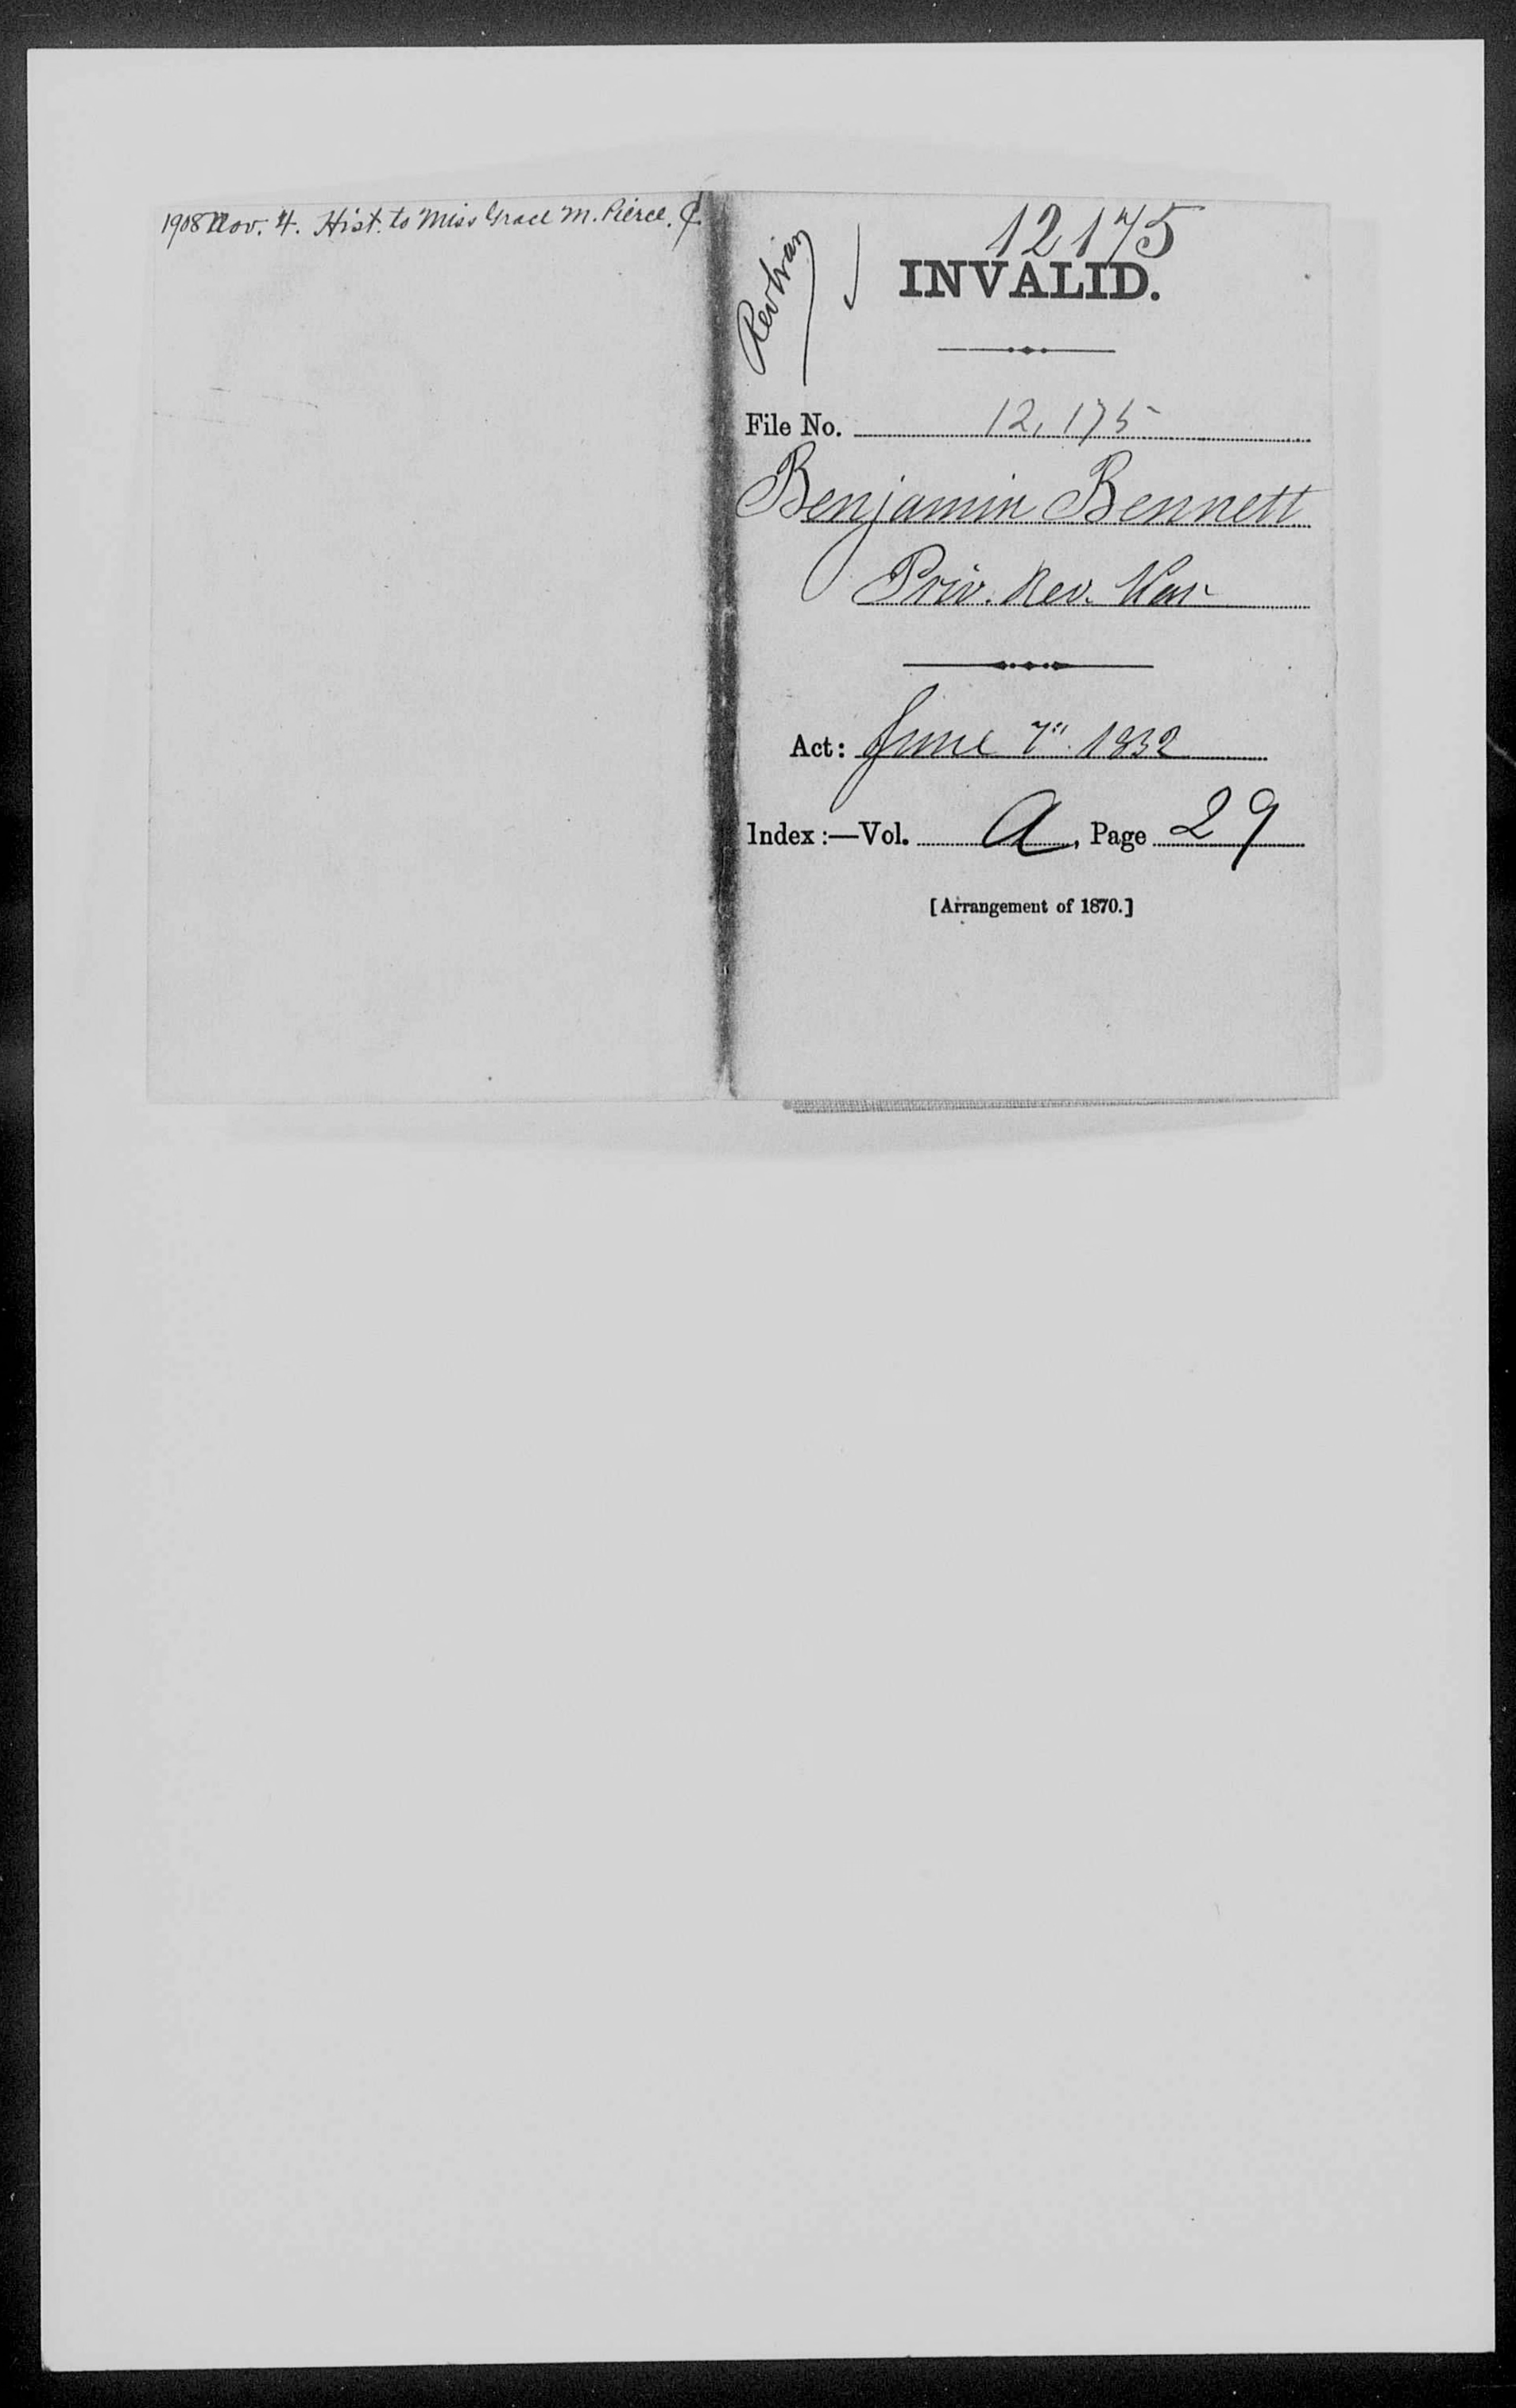[left side of page] 
1908 Nov. 4. Hist. to Miss Grace M. Pierce. &c

[right side of page] [printed form with hand written responses] 
Rev War [check mark] 
12175 INVALID. 
-----
File No. 12,175 
Benjamin Bennett Priv. Rev. War
-----
Act: June 7th. 1832
Index:-- Vol. A, Page 29
[Arrangement of 1870.] [square brackets in original]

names: Benjamin Bennett, Grace M Pierce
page: 11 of 16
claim: survivor's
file: S. 12175, Benjamin Bennett, Penn.